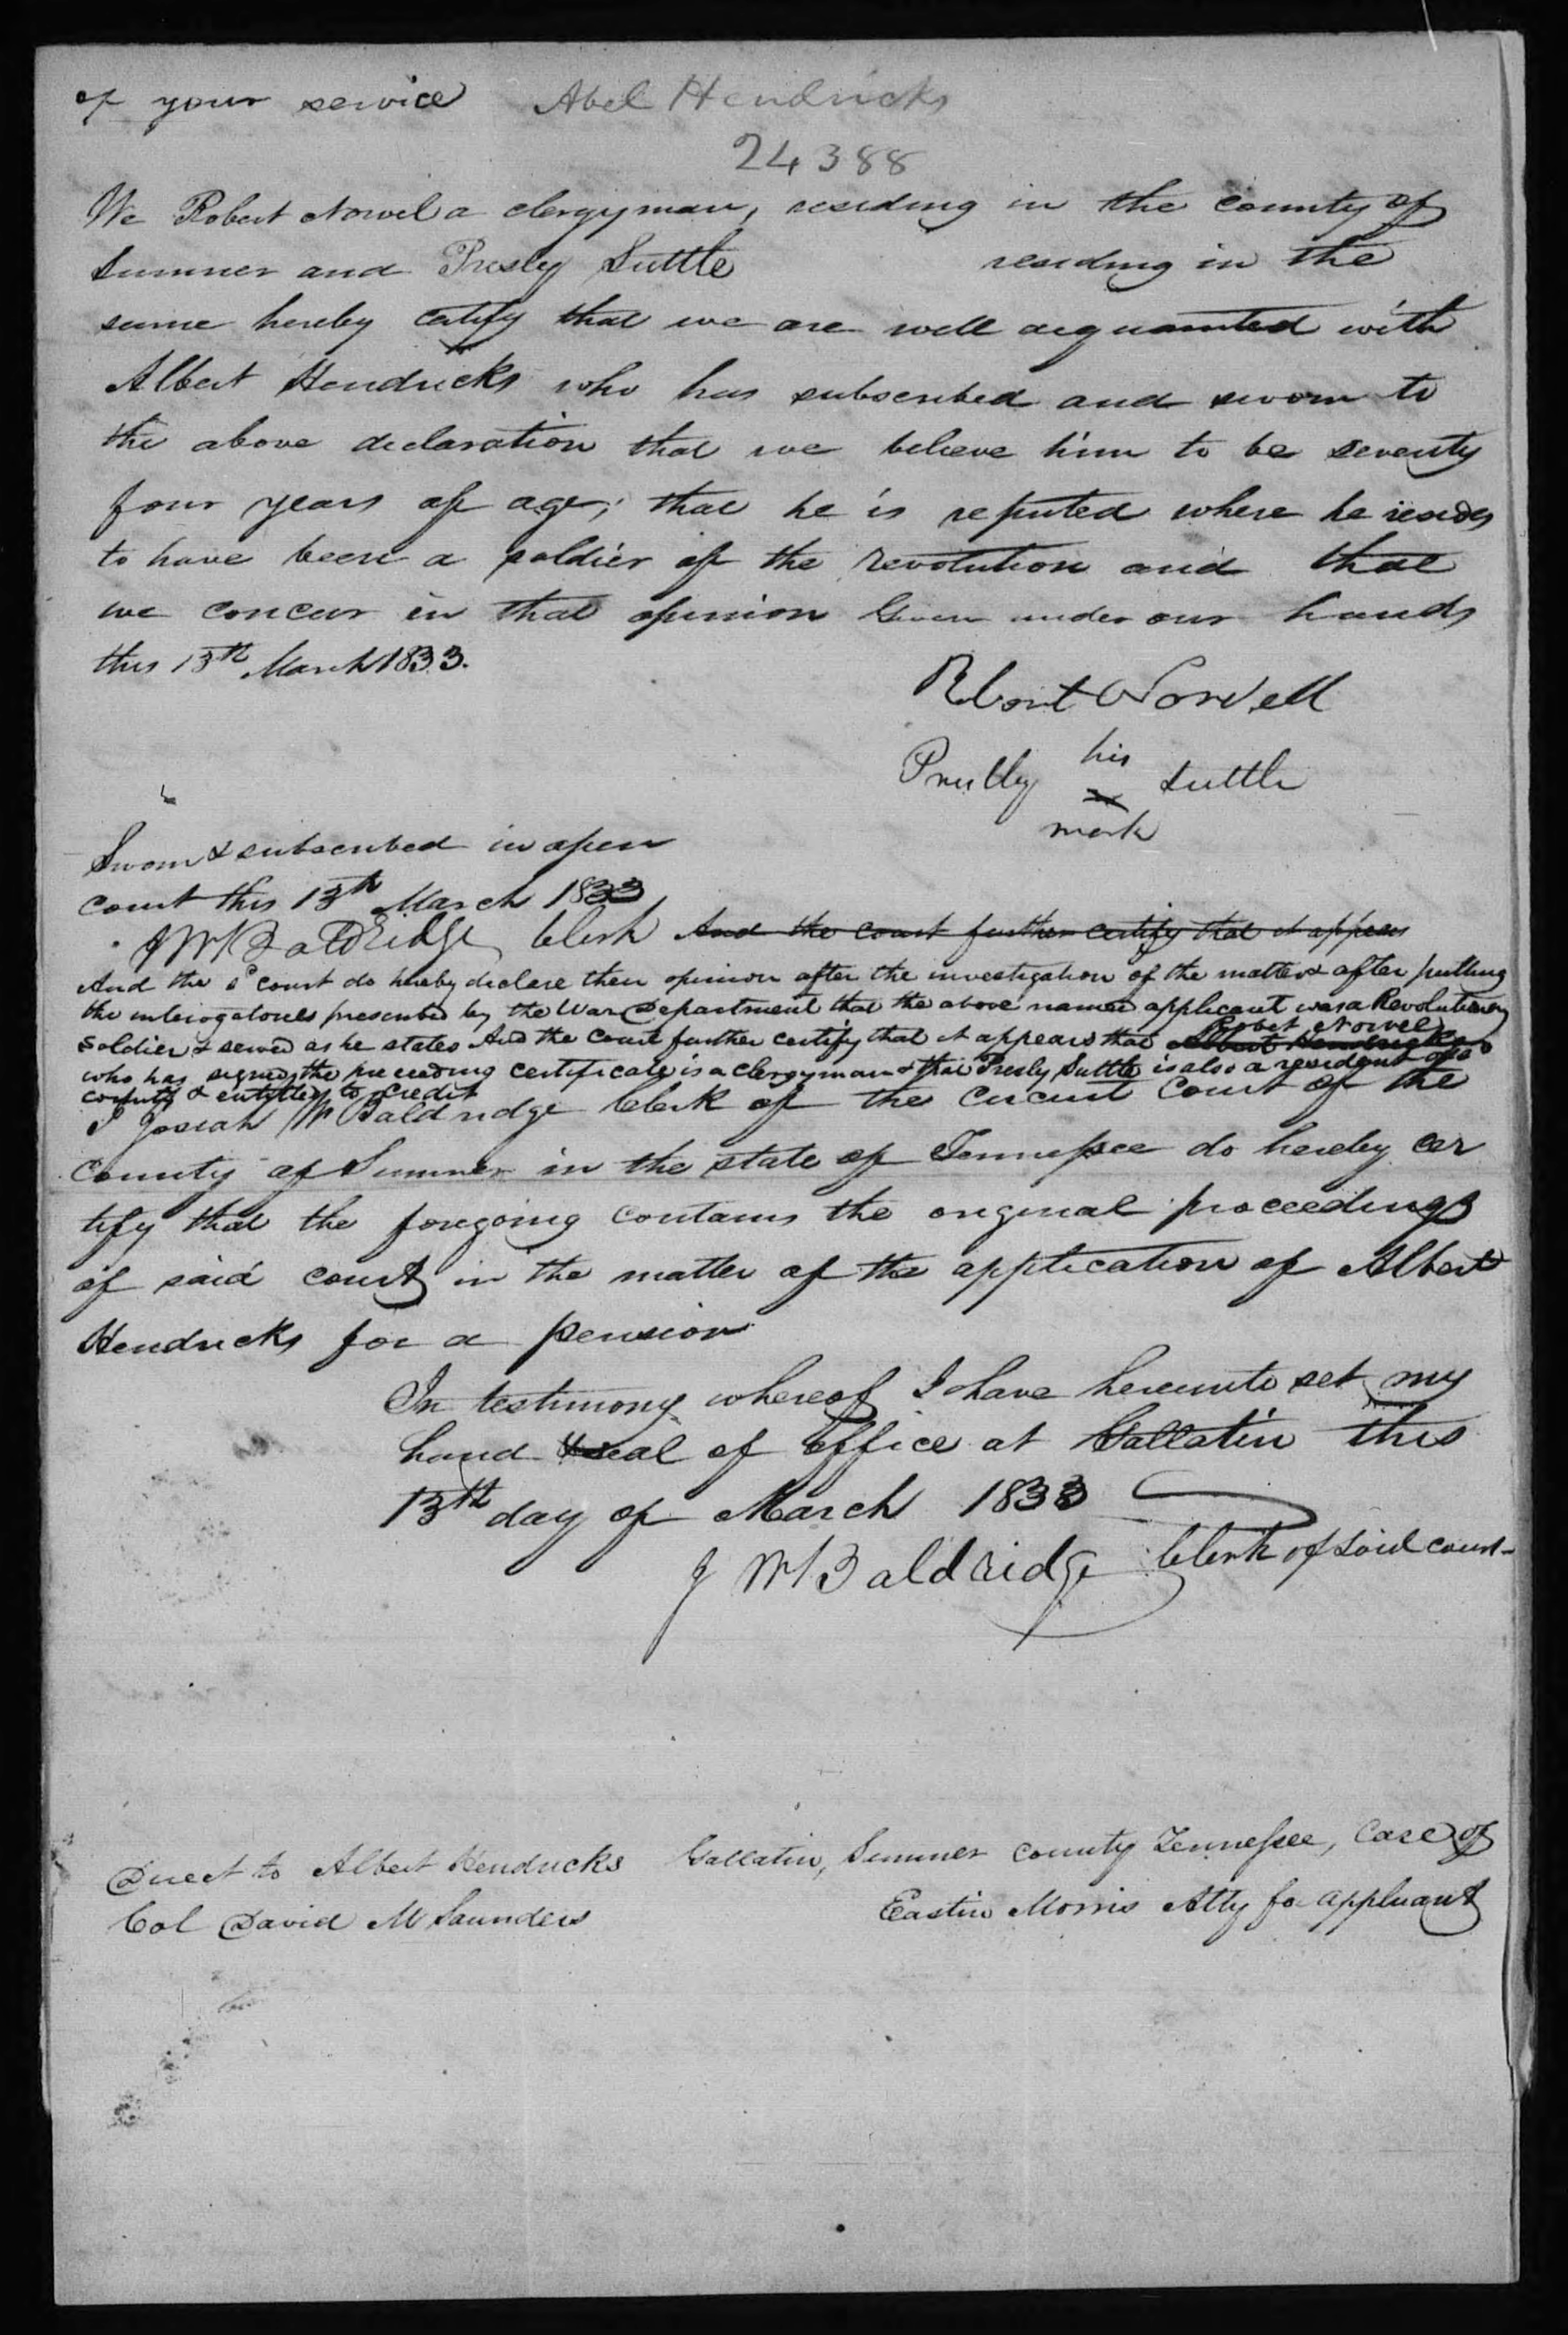of your service
Abel Hendricks 24388
We Robert Norvel a clergyman residing in the County of Sumner and Presly Suttle  residing in the same hereby certify that we are well acquainted with Albert Hendricks who has subscribed and sworn to the above declaration that we believe him to be seventy four years of age; that he is reputed where he resides to have been a soldier of the revolution and that we concur in that opinion.  Given under our hands this 13th Mar. 1833.
Robert Norvell
Presly Suttle x his mark
Sworn & subscribed in open court this 13th March 1833  J.W. Baldridge, Clerk 
[crossed out :  And the court further certify the affiant]
And the Court do hereby declare their opinion after the investigation of the matter & after presenting the interrogatories prescribed by the War Department that the above named applicant was a Revolutionary soldier & served as he stated.  And the Court further certify that it appears that Robert Norvel who has signed the preceding certificate is a clergyman & that Presly Suttle is also a resident of [illegible] & entitled to credit.
I Joseph W. Baldridge Clerk of the Circuit Court of the County of Sumner in the state of Tennessee do hereby certify that the foregoing contains the original proceedings of said court in the matter of the application of Albert Hendricks for a pension.
In testimony whereof I have hereunto set my hand and seal of office at Gallatin this 13th day of March 1833.  J. W. Baldridge, Clerk of said Court

Direct to Albert Hendricks  Gallatin, Sumner County Tennessee, case [illegiible]
Col. David M. Saunders   Eastin Morris Atty for applicant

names: Joseph W Baldridge, J W Baldridge, Eastin Morris, Albert Hendricks, Abel Hendricks, Albert Hendricks, Prestly Suttle, Albert Hendricks, Robert Norvell, Robert Norvel, Presly Suttle, David M Saunders, J W Baldridge, Presly Suttle, Robert Norvel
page: 16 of 76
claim: widow's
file: W. 83, Albert Hendricks, Continental Md. N.C.